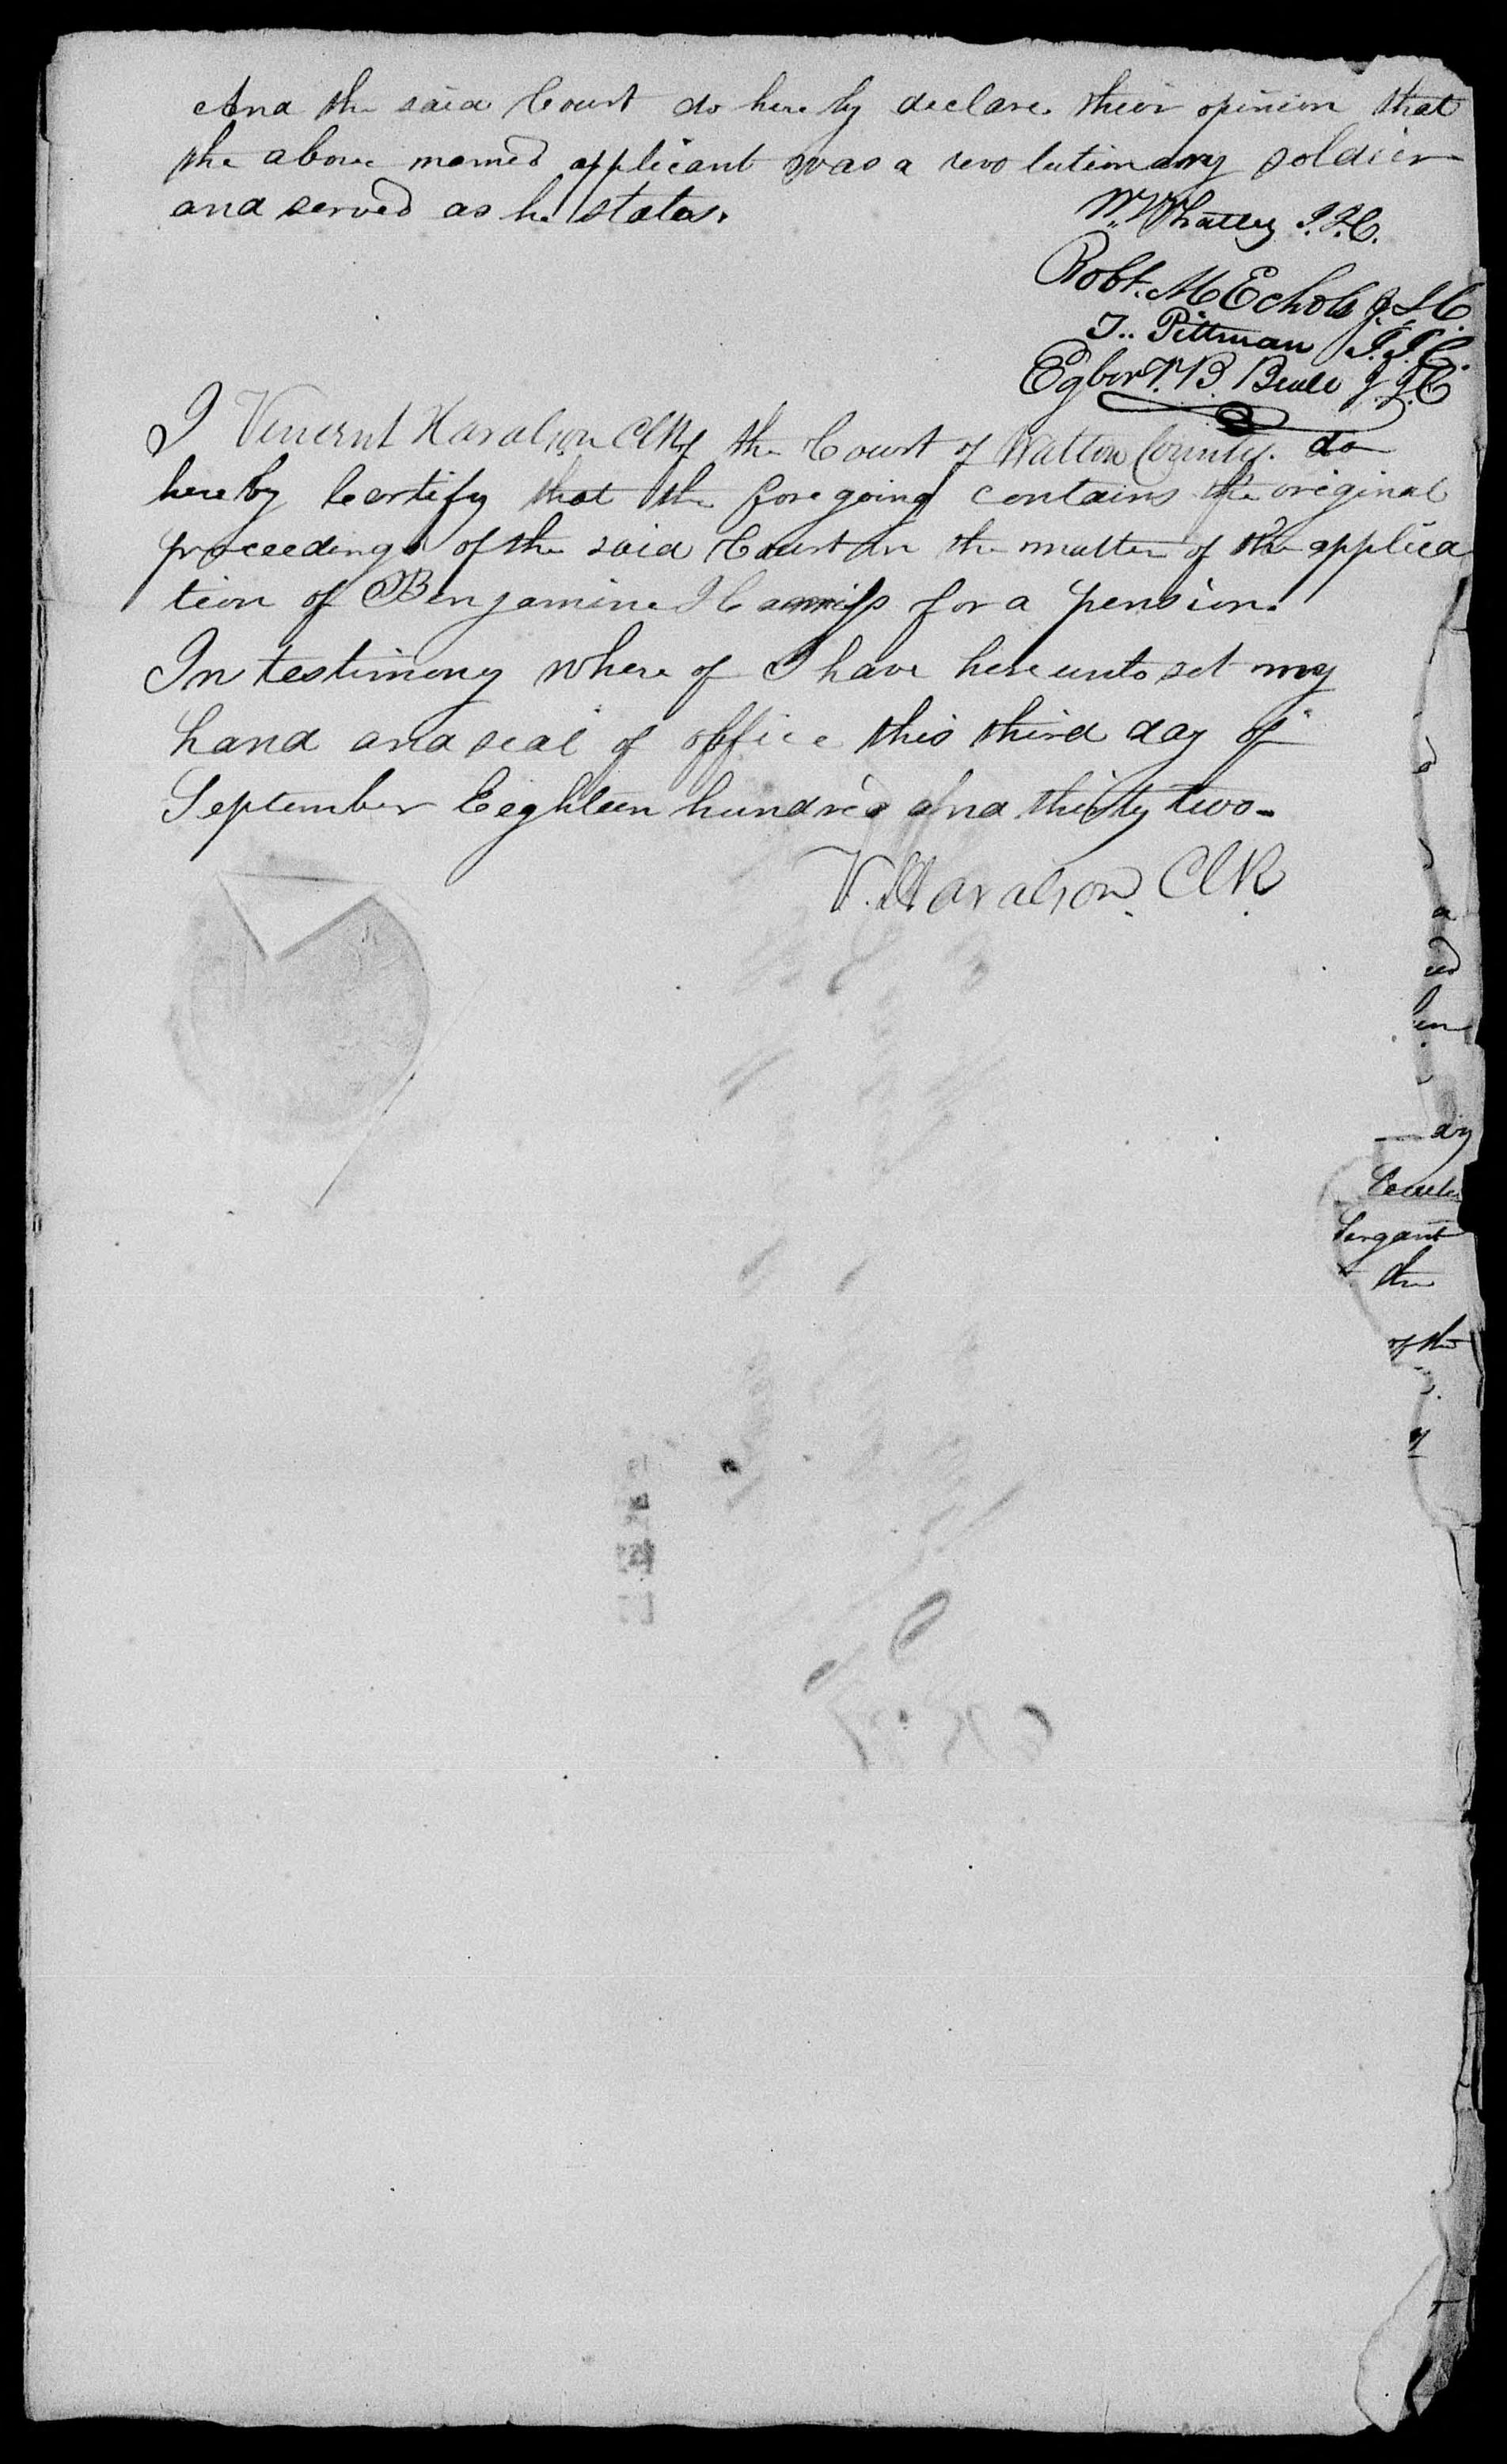And the said Court do hereby declare their opinion that the above named applicant was a revolutionary soldier and served as he states. 
P. Whatley J.JC. 
Robt M Echols. JJC
T. Pittman JJ
Egbert B Beale JJC 

I Vincent Haralson Clk the Court of Walton County do hereby certify that the foregoing contains the original proceeding of the said Court in the matter of the application of Benjamin I Harriss for a pension

In testimony whereof I have hereunto set my hand and seal of office this third day of September Eighteen hundred and thirty two 
W. Haralson Clk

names: Vincent Haralson, Robt M Echols, V Haralson, W Whatley, Egbert B Beale, T Pittman, Benjamine Harriss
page: 17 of 62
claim: survivor's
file: S. 38816, Benjamin Harris, Mass.